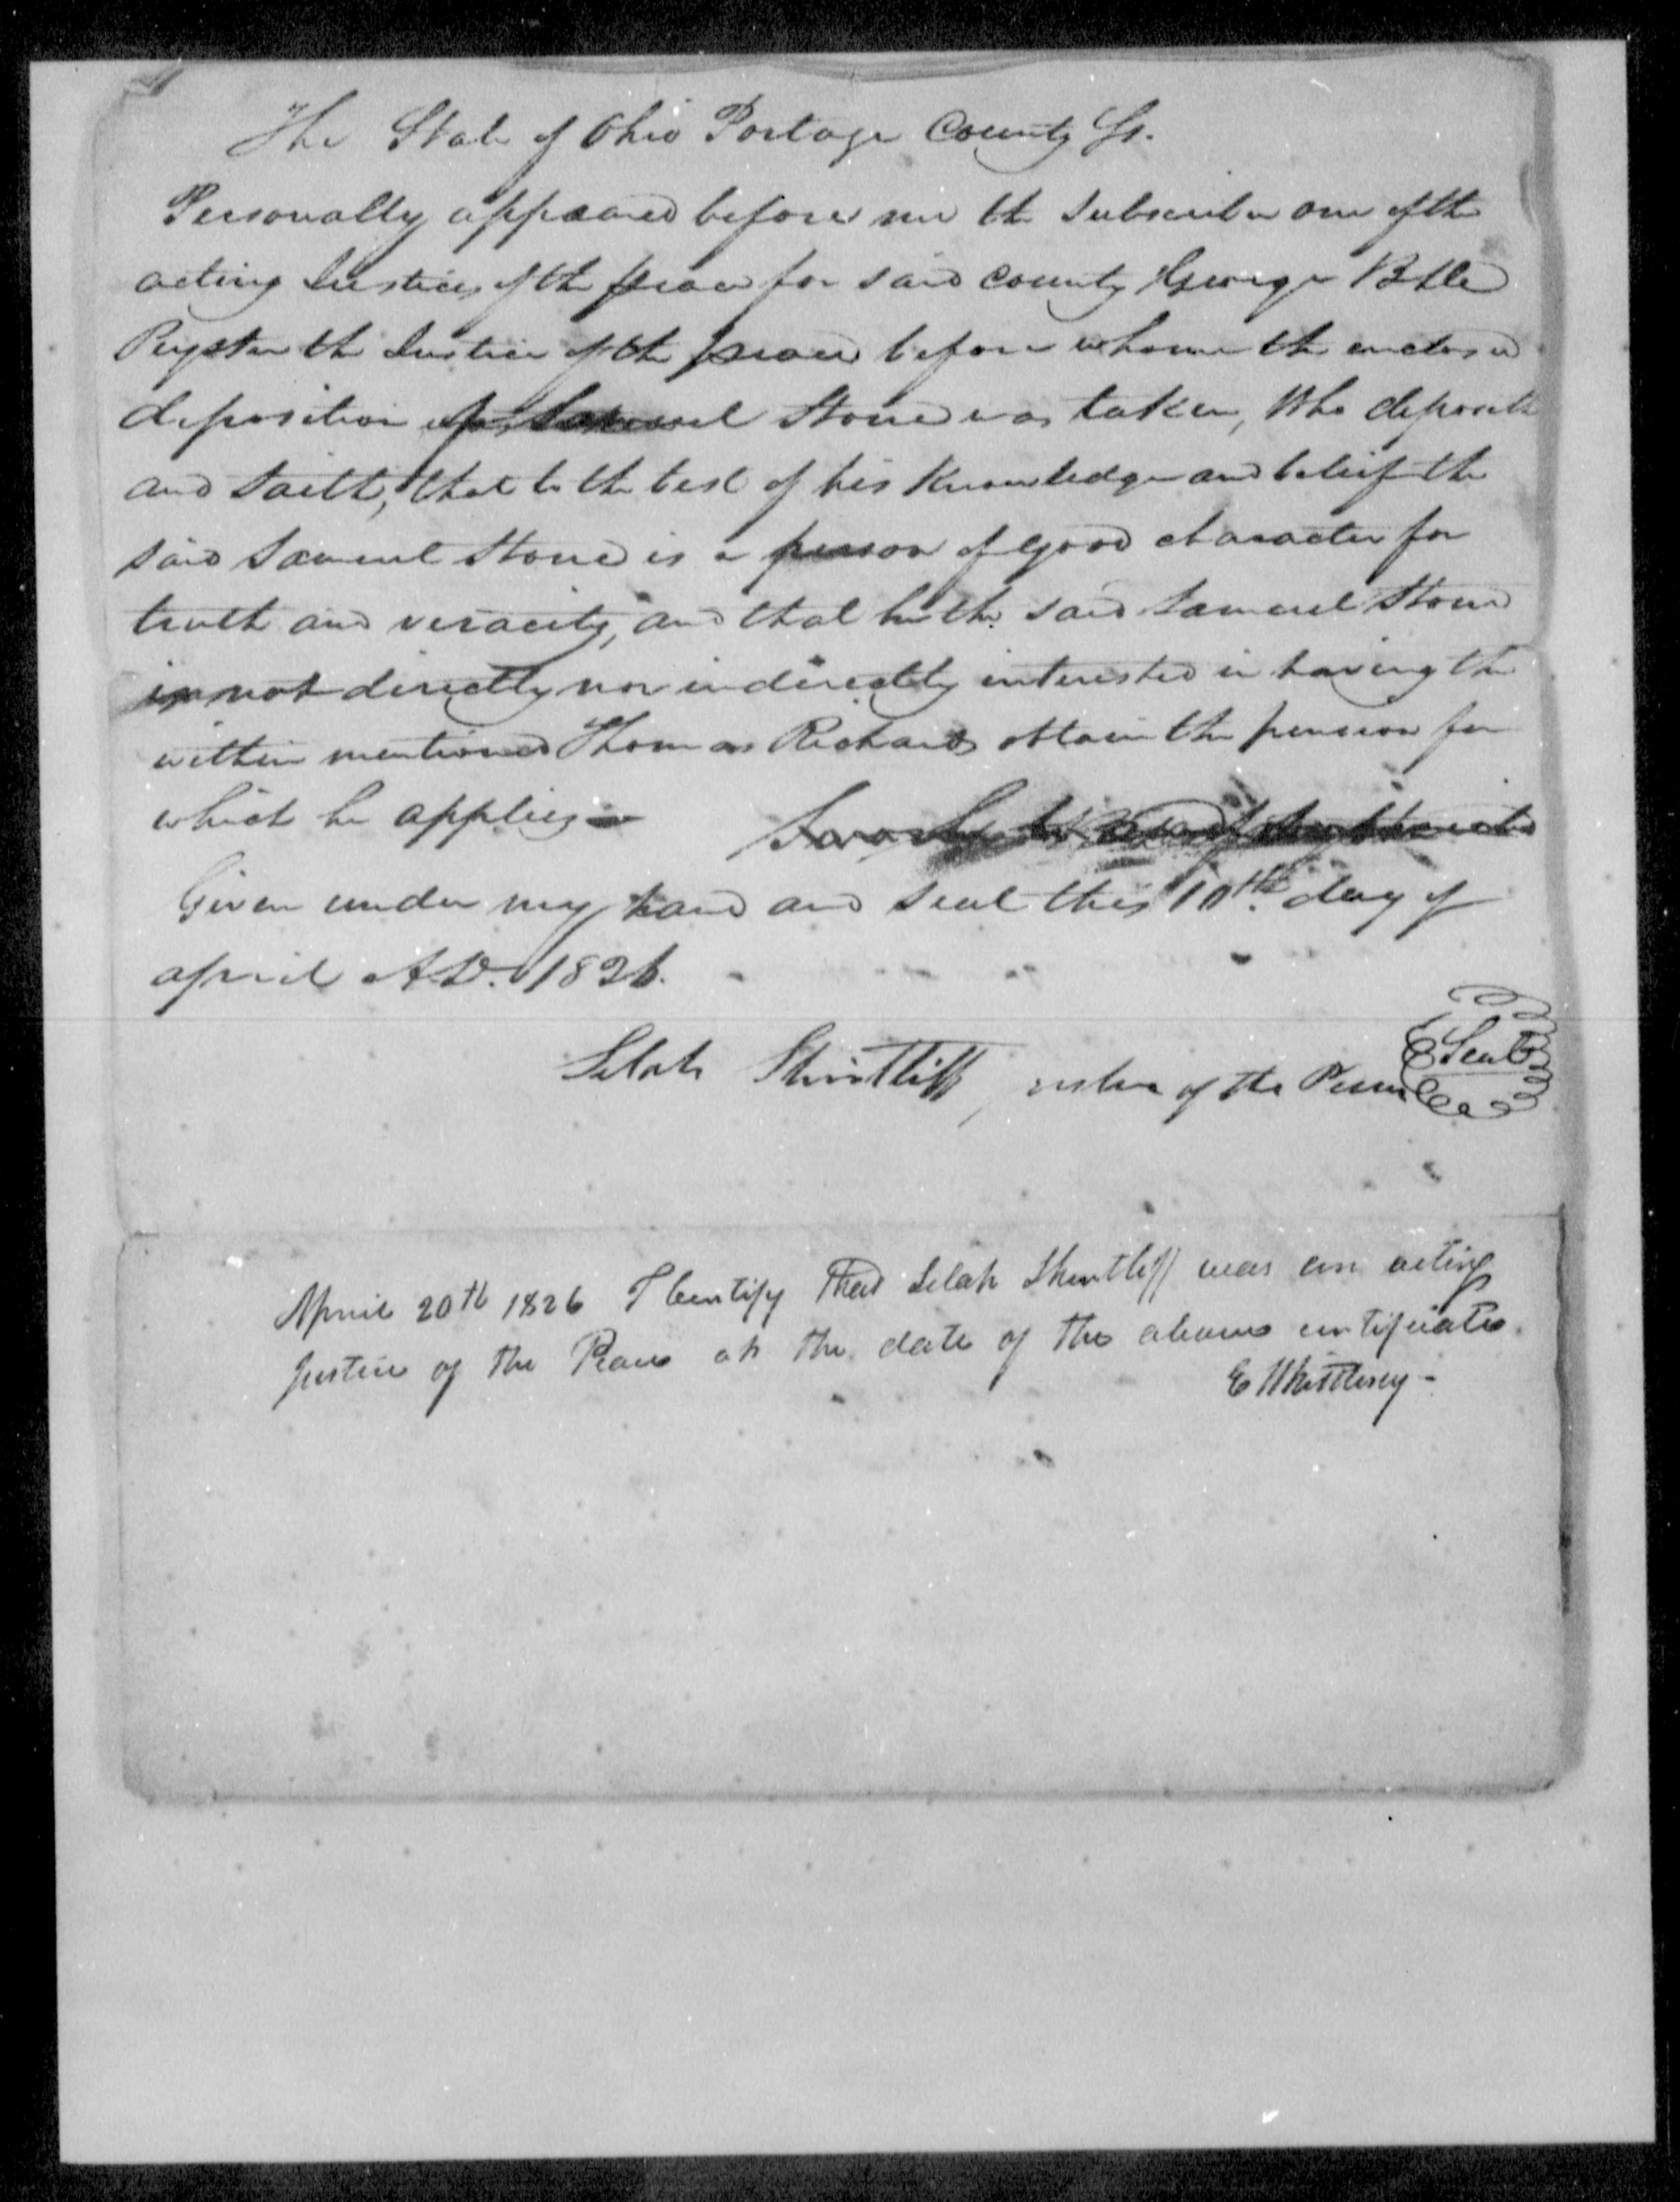The State of Ohio Portage County Ss.
Personally appeared before me the Subscriber one of the acting Justices of the peace for said County George B Depeyster the Justice of the peace before whom the enclosed deposition of Samuel Stone was taken, who deposeth
and saith, that to the best of his knowledge and belief the said Samuel Stone is a person of good character for truth and veracity, and that he the said Samuel Stone in not directly nor indirectly interested in having the within mentioned Thomas Richards obtain the pension for which he applies -
Given under my hand and seal this 10th day of
April A.D. 1826
Selah Shirtliff justice of the Peace {Seal}
April 20th 1826 I Certify that Selah Shirtliff was an acting Justice of the Peace at the date of the above certificate
E Whittlesey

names: E Whittlesey; Thomas Richards; George B Depeyster; Selah Shirtliff; Selah Shurtliff; Samuel Stone; Samuel Stone; Samuel Stone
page: 39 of 109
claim: widow's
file: W. 5709, for Thomas Richards, New Hampshire